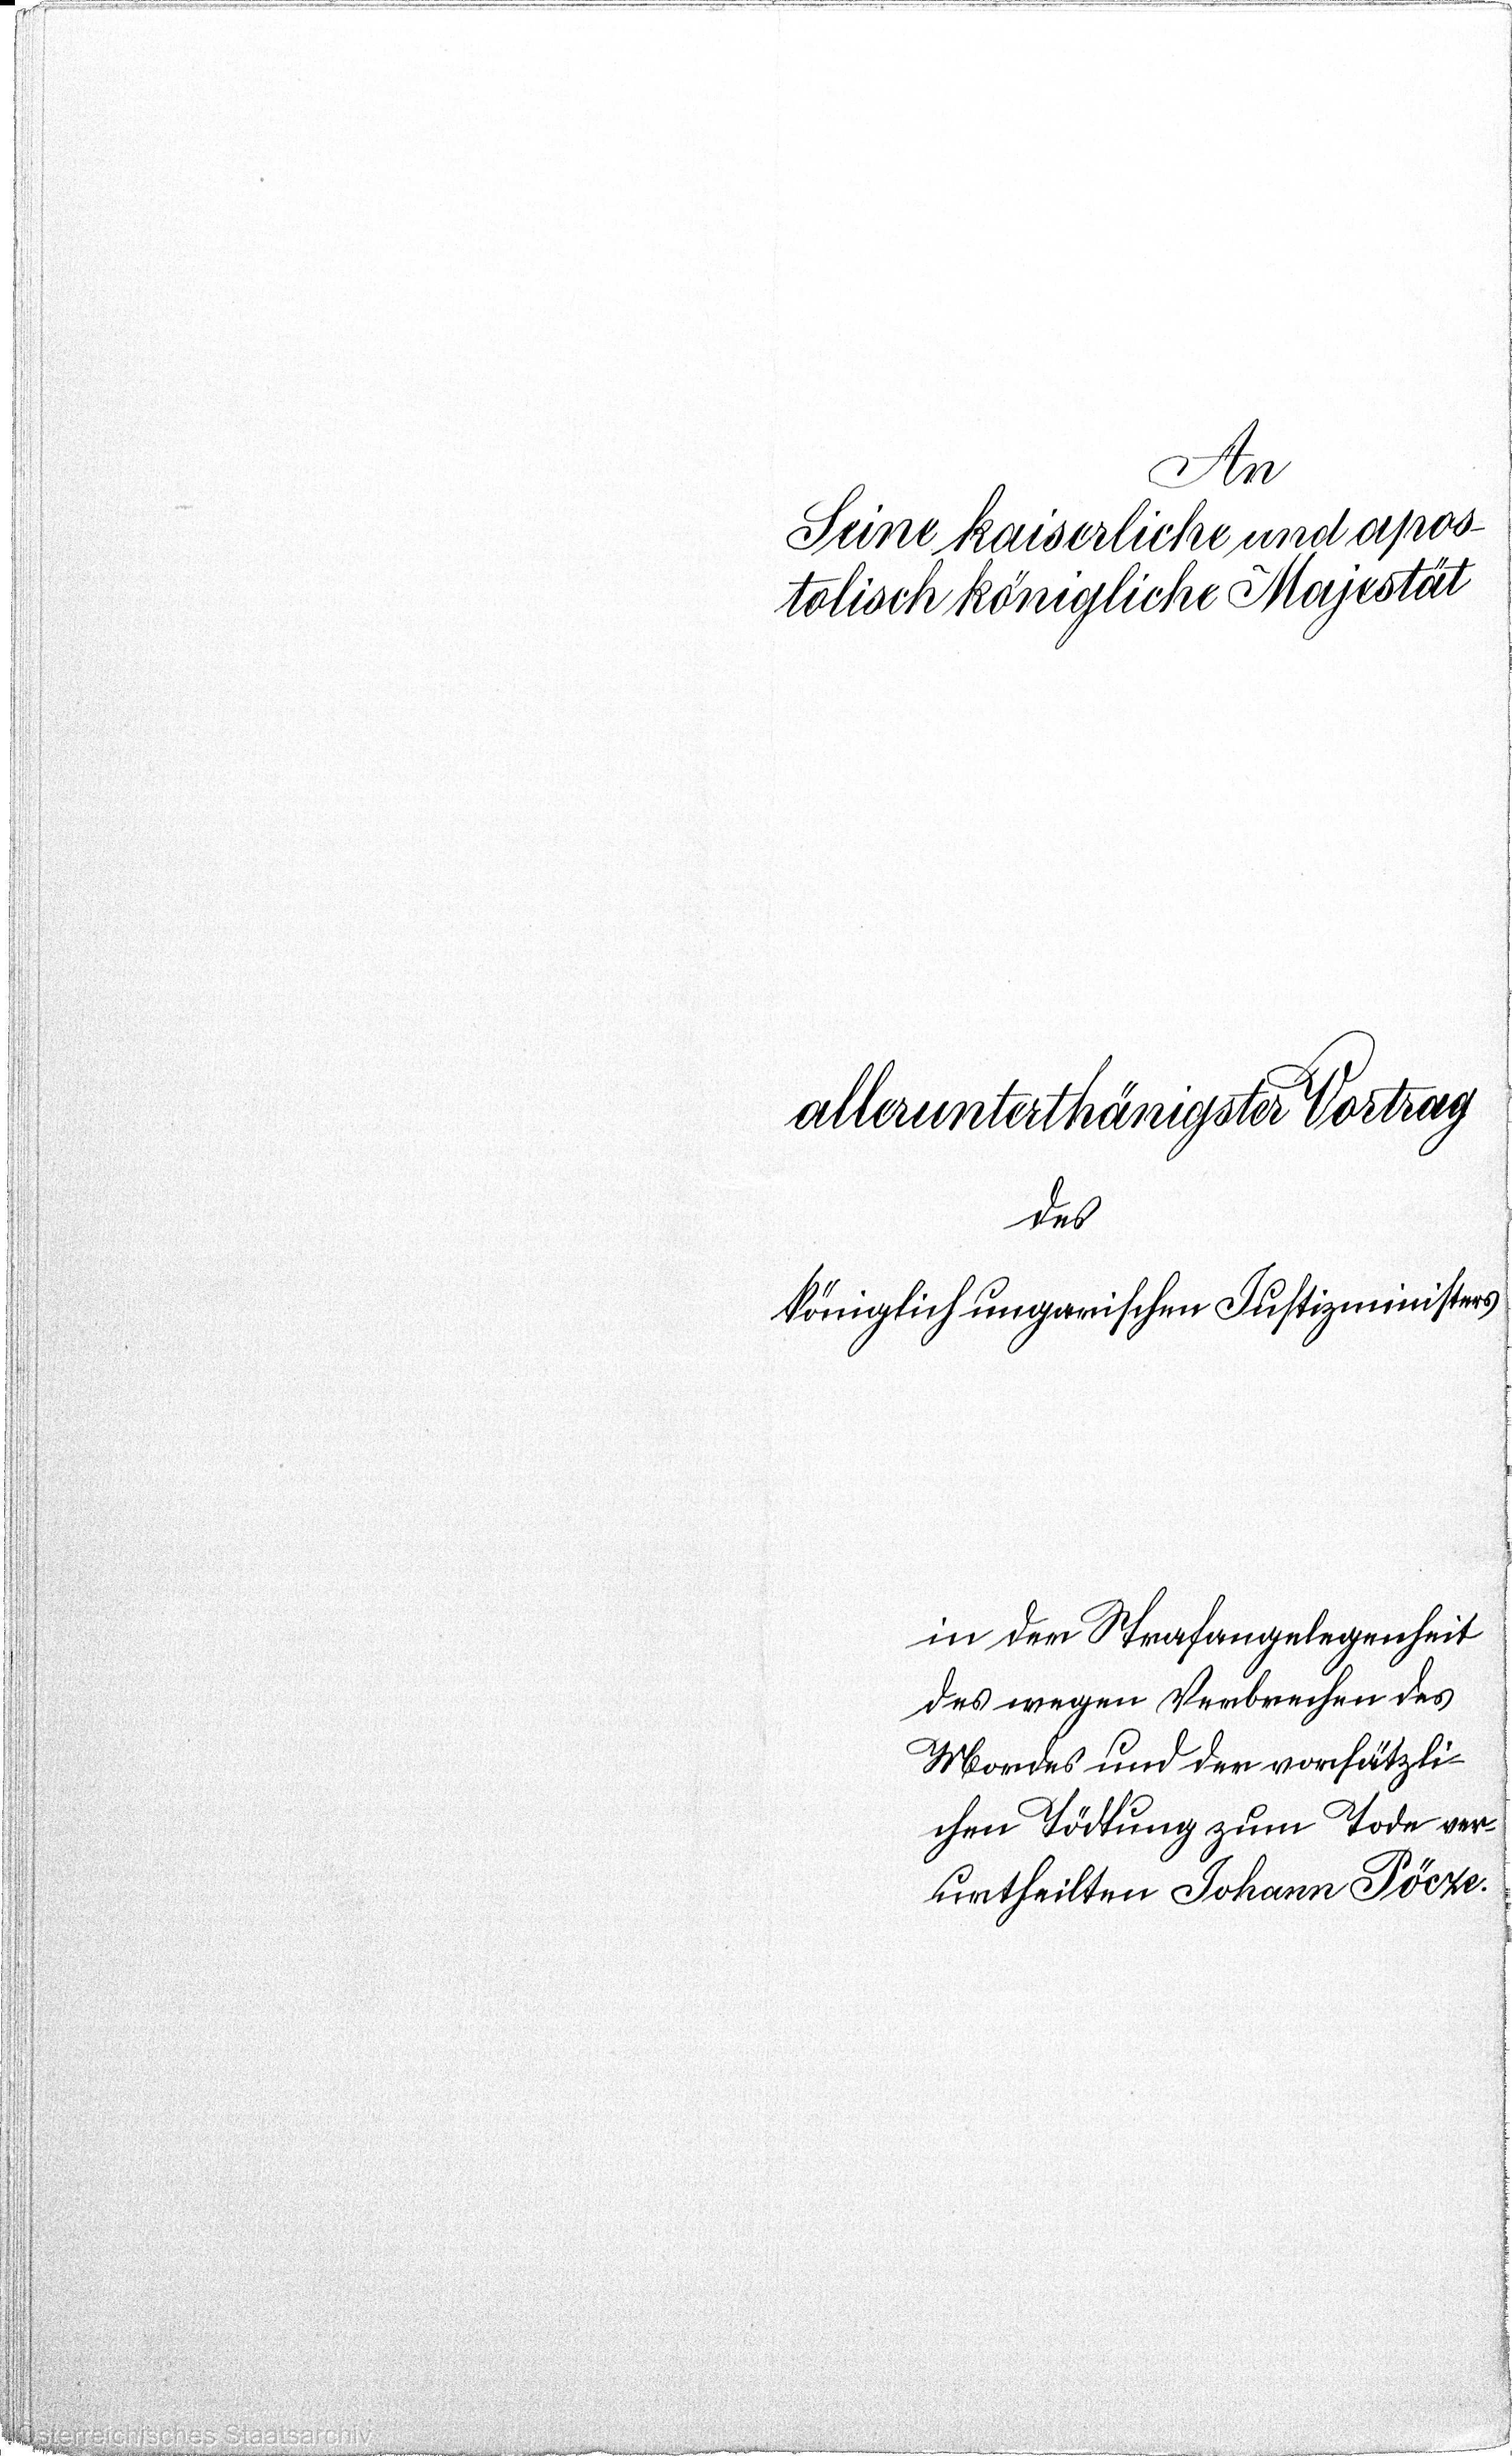An
seine kaiserliche und apos¬
tolisch königliche Majestät
allerunterthänigster Vortrag
des
königlich ungarischen Justizministers
in der Strafangelegenheit
des wegen Verbrechen des
Mordes und der vorsätzli¬
chen Tödtung zum Tode ver¬
urtheilten Johann Pöcze.